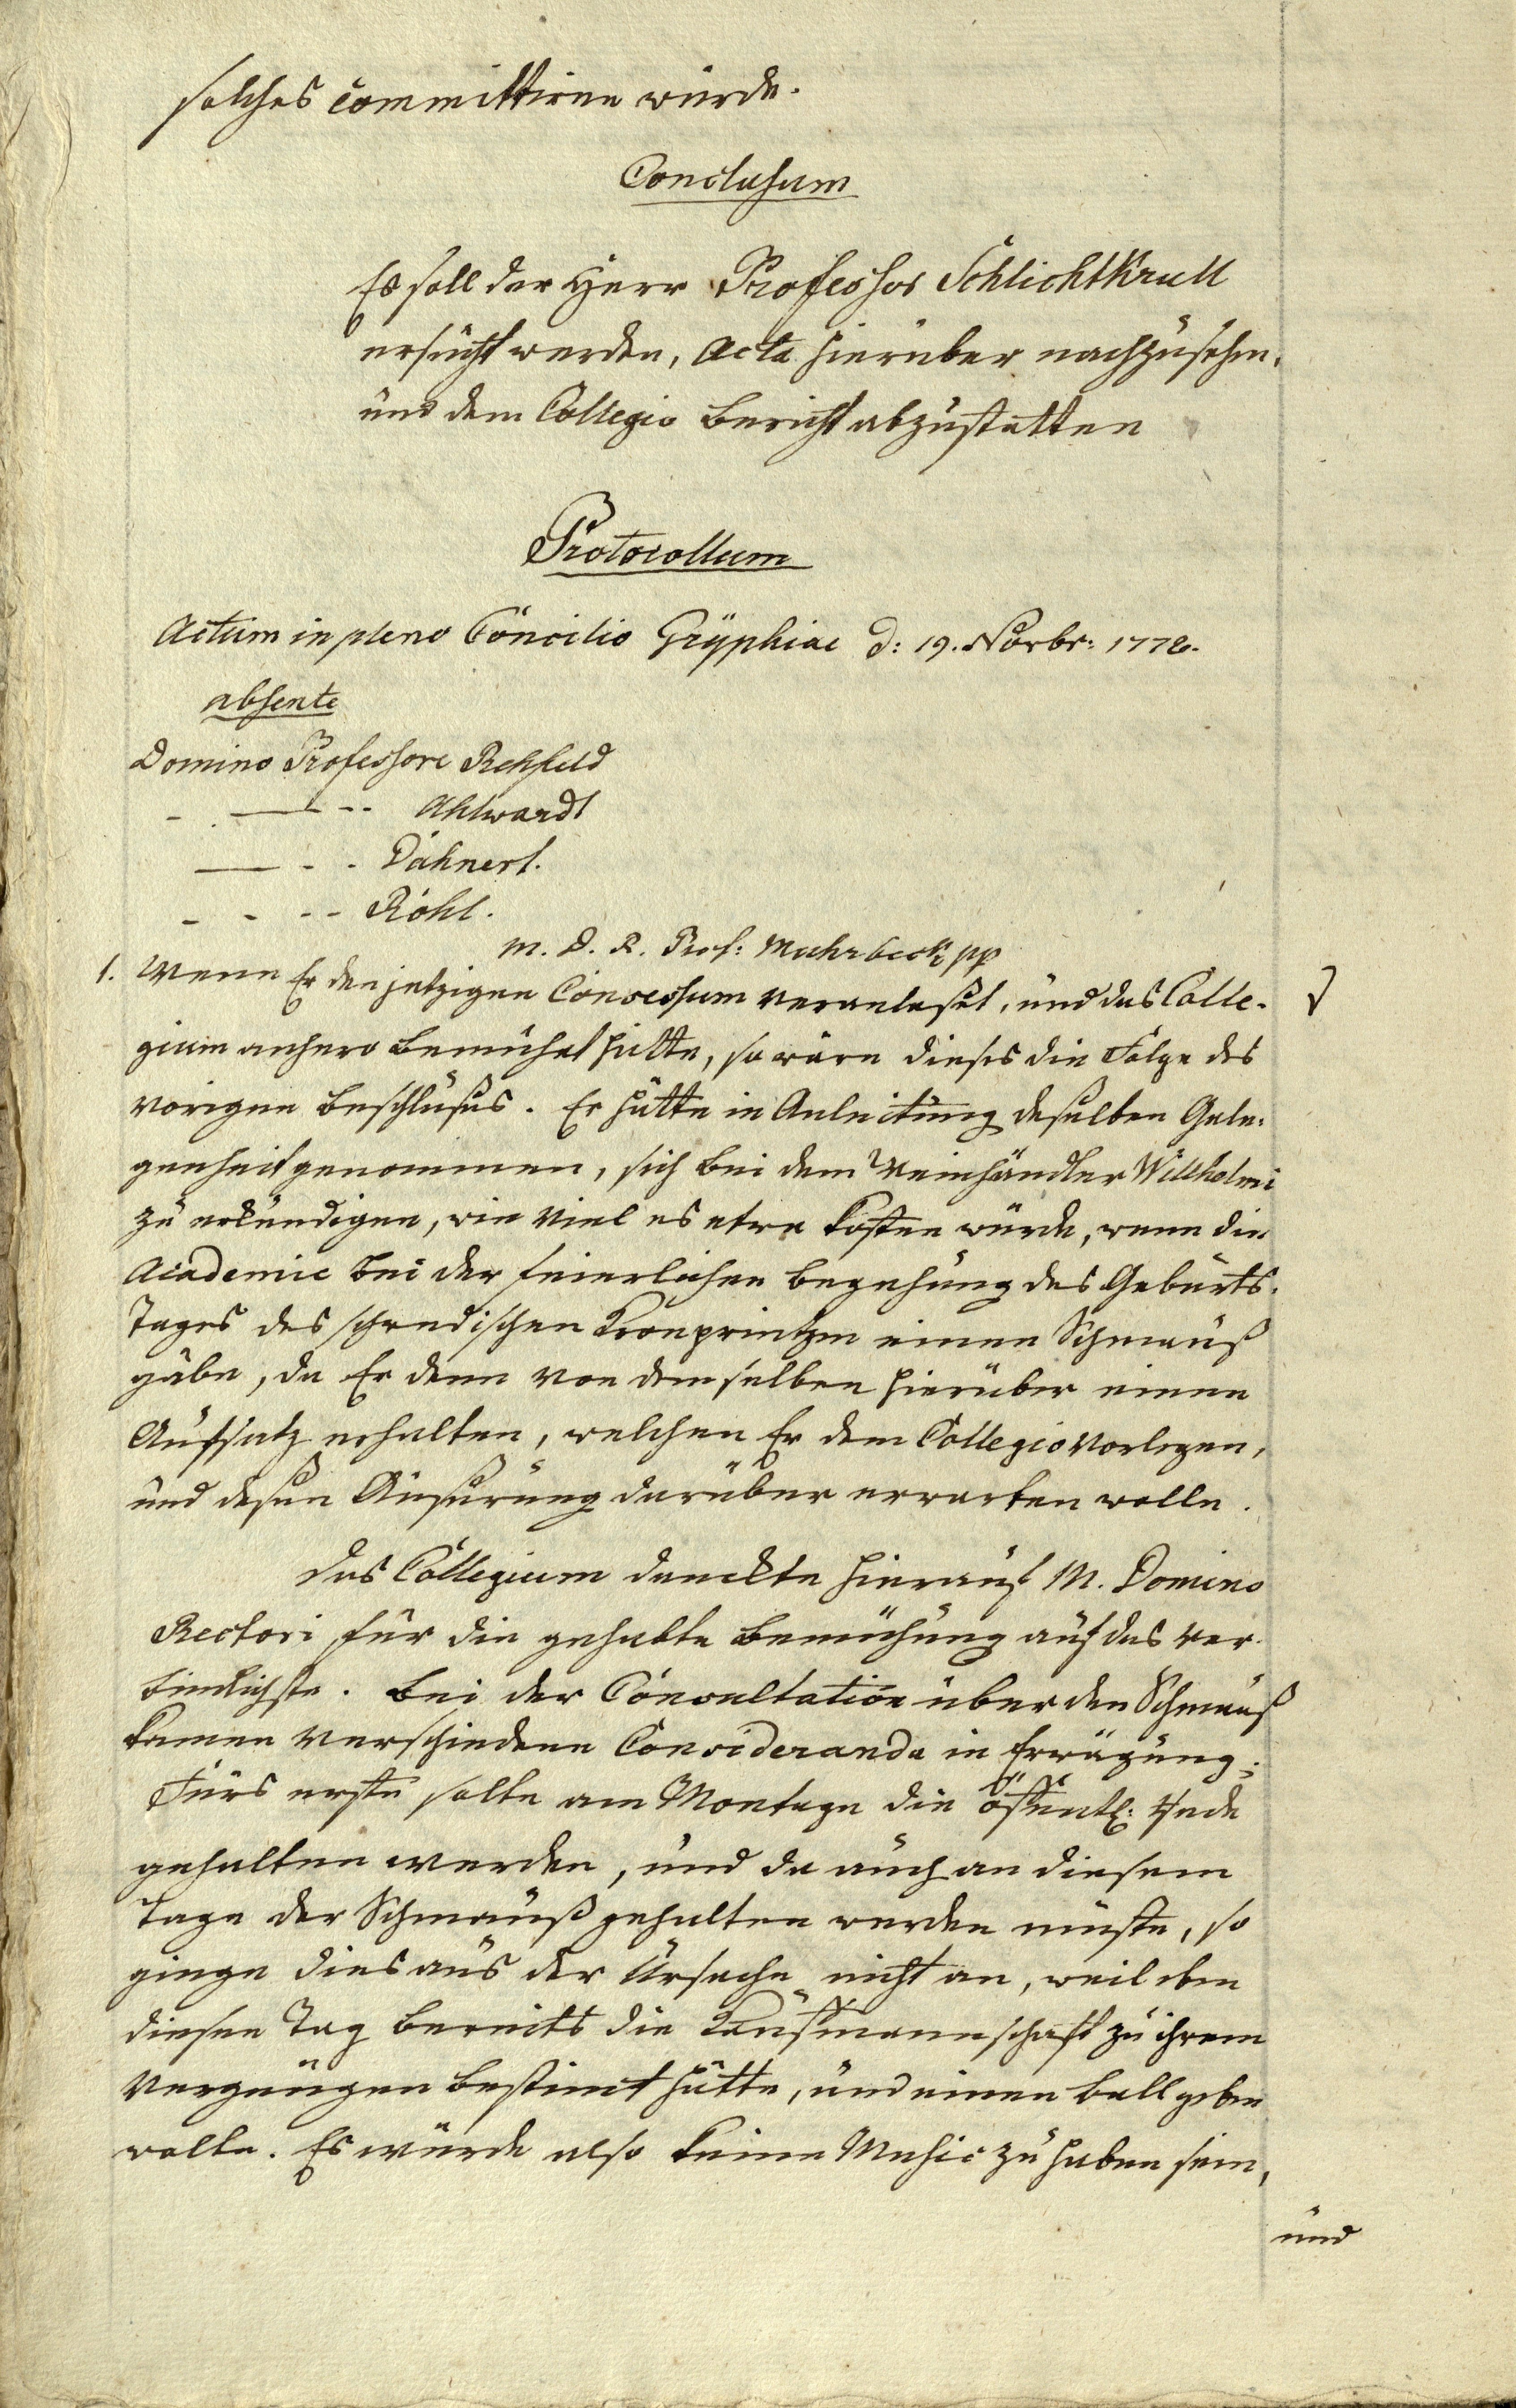solches committiren würde.
Conclusum
Es soll der Herr Professor Schlichtkrull
ersucht werden, Acta hierüber nachzusehen,
und dem Collegio Bericht abzustatten.
Protocollum
Actum in pleno Concilio Grÿphiae d. 19. Novbr. 1778
absente
Domino Professore Rehfeld
Ahlwardt
Dähnert
Röhl.
M. D. R. Prof. Muhrbeck pp
1. Wenn Er den jetzigen Consessum veranlaßet, und das Colle¬
gium anhero bemühet hätte, wäre dieses die Folge des
vorigen Beschlußes. Er hätte in Anleitung deßelben Gele¬
genheit genommen, sich bei dem Weinhändler Willhelmi
zu erkundigen, wie viel es etwa kosten würde, wenn die
Academie bei der feierlichen Begehung des Geburts¬
tages des schwedischen Kronprintzen einen Schmauß
gäbe, da Er denn von demselben hierüber einen
Aufsatz erhalten, welchen Er dem Collegium vorlegen,
und deßen Äußerung darüber erwarten wolle.
Das Collegium danckte hierauf M. Domino
Rectori für die gehabte Bemühung auf das ver¬
bindlichste. Bei der Consultation über den Schmauß
kamen verschiedene Consideranda in Erwägung.
Fürs erste solte am Montage die öffentl. Rede
gehalten werden, und da auch an diesem
Tage der Schmauß gehalten werden müste, so
ginge dies aus der Ursache nicht an, weil eben
diesen Tag bereits die Kaufmannschaft zu ihrem
Vergnügen bestimt hätte, und einen Ball geben
wolle. Es würde also keine Music zu haben sein,
und